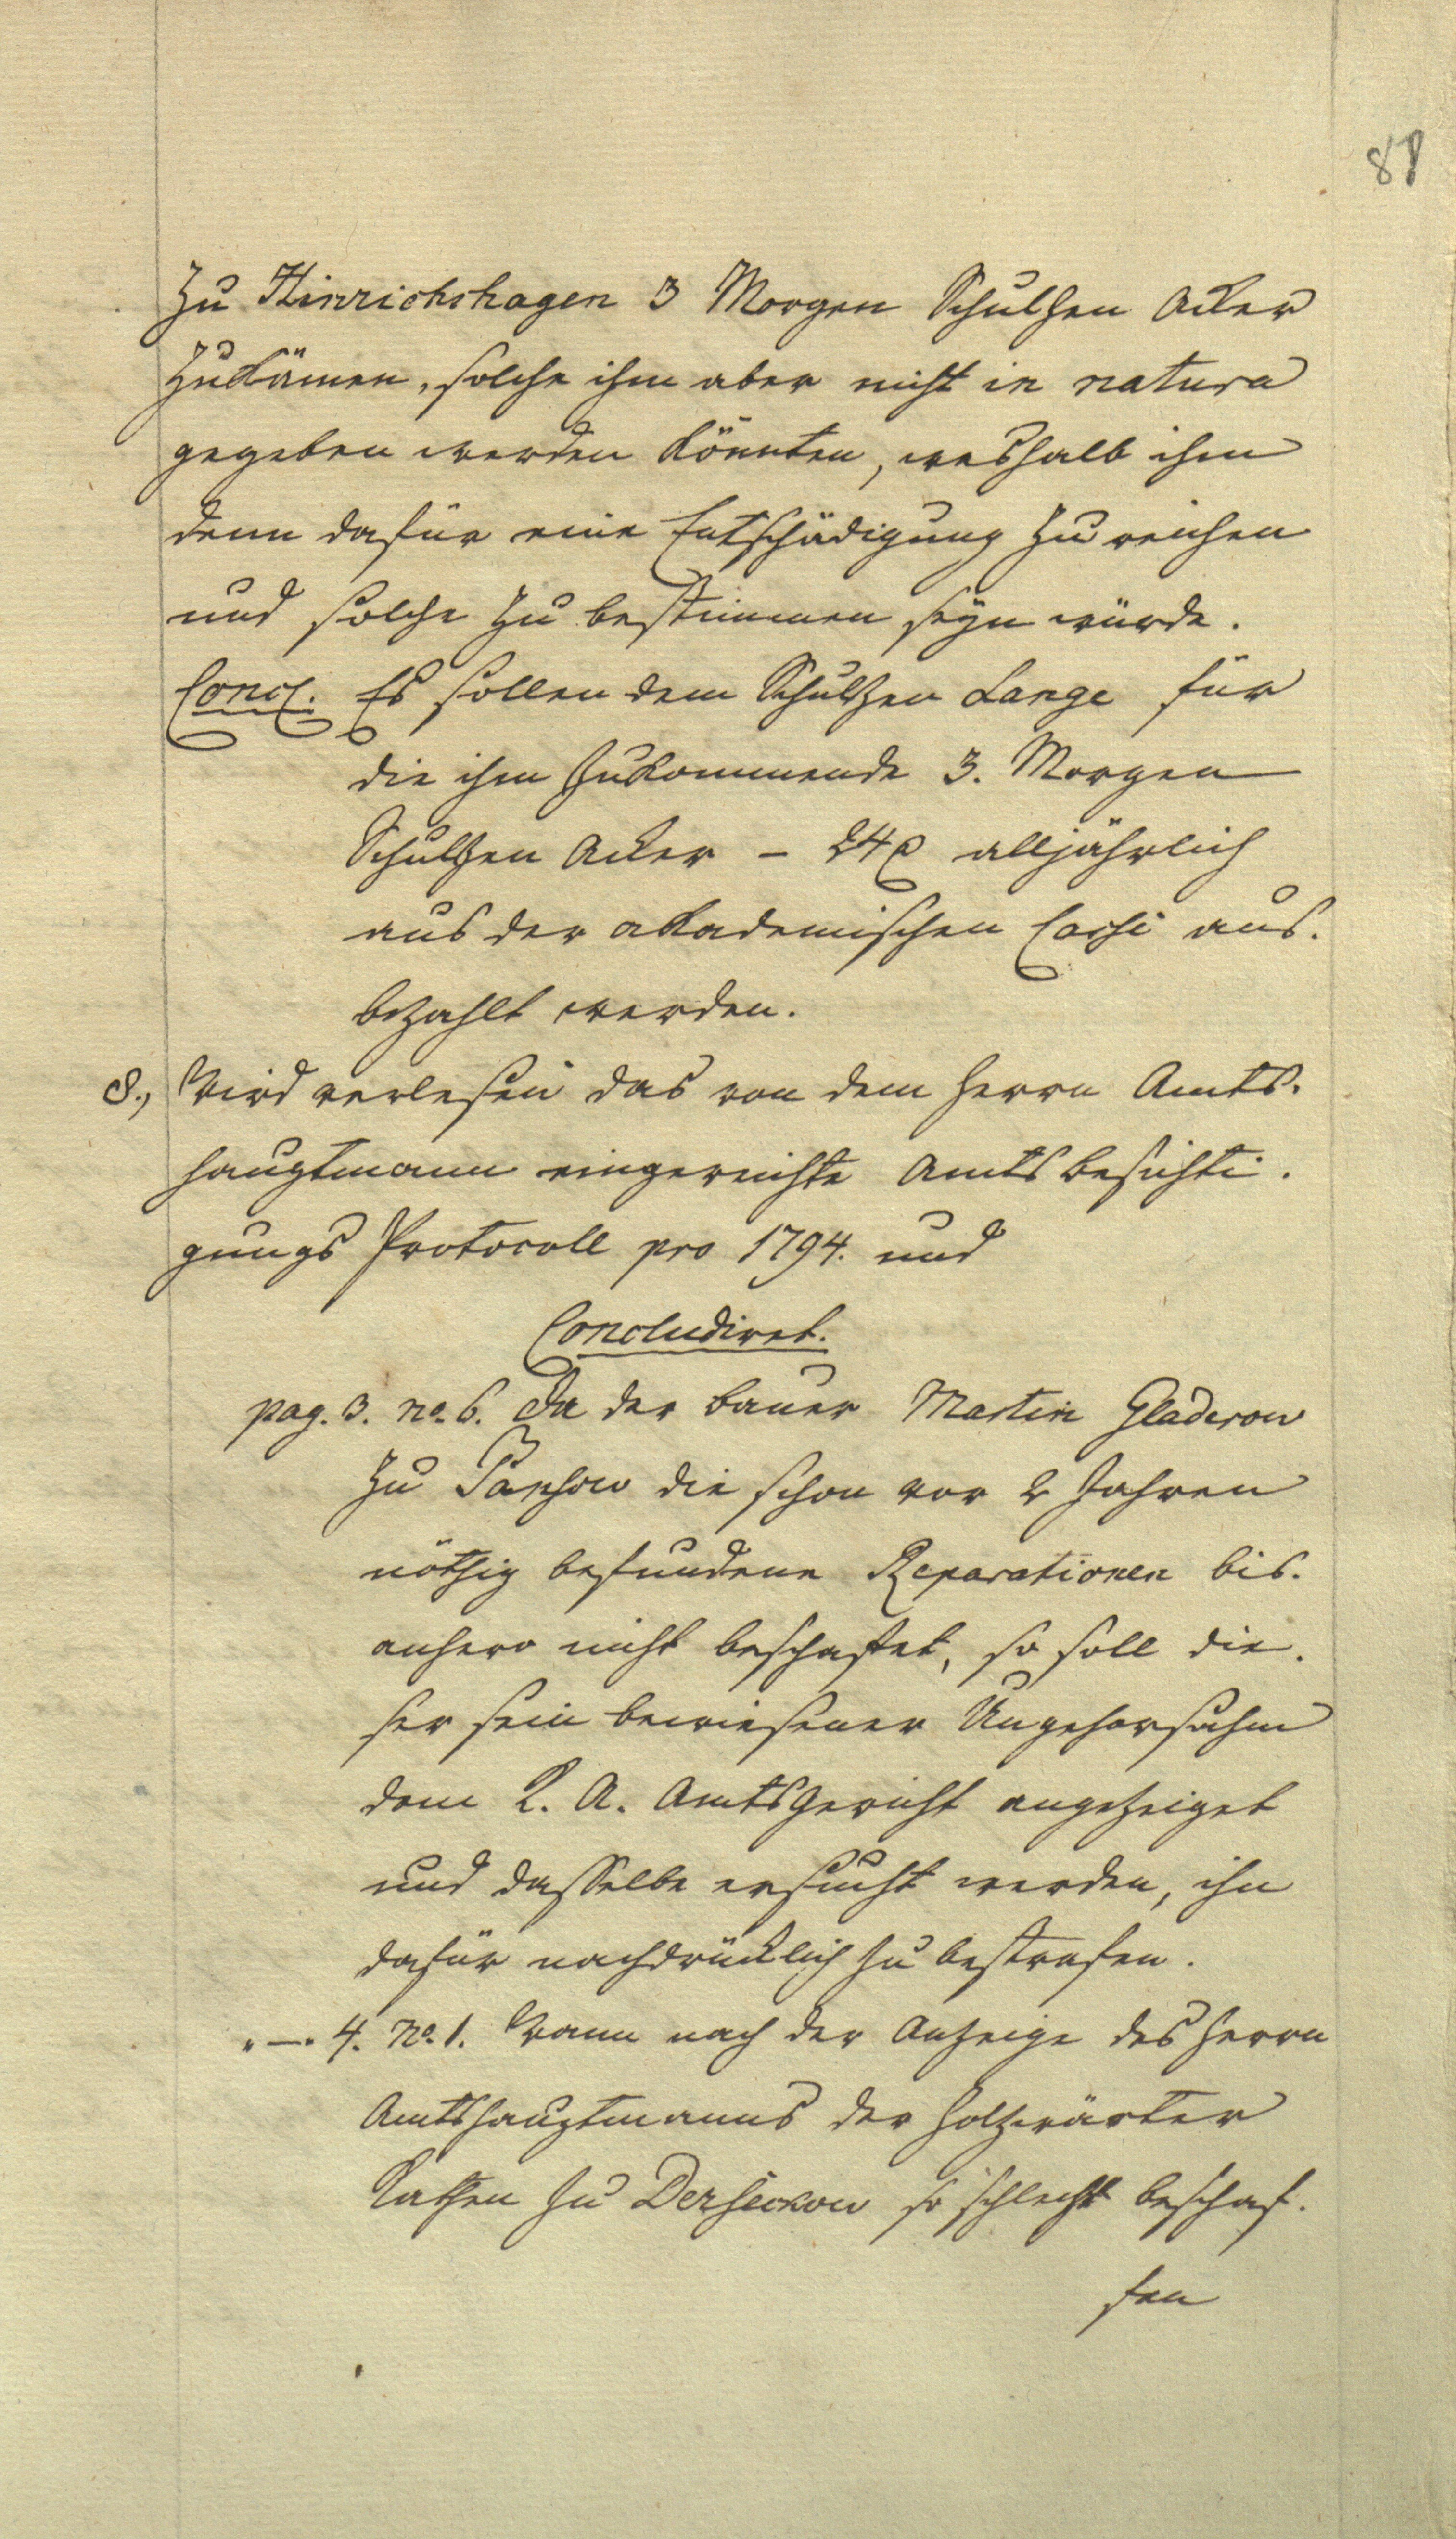zu Hinrichshagen 3 Morgen Schulzen Acker
zukämen, solche ihm aber nicht in natura
gegeben werden könnten, weshalb ihm
denn dafür eine Entschädigung zu reichen
und solche zu bestimmen seÿn würde.
Concl. Es sollen dem Schulzen Lange für
die ihm zukommende 3. Morgen
Schulzen Acker 24 l alljährlich
aus der akademischen Casse aus¬
bezahlt werden.
8., Wird verlesen das von dem Herrn Amts¬
hauptmann eingereichte Amtsbesichti¬
gungs Protocoll pro 1794. und
Concludiret.
pag. 3. No 6. Da der Bauer Martin Gladerow
zu Pansow die schon vor 2 Jahren
nöthig befundene Reparationen bis¬
anhero nicht beschaffet, so soll die¬
ser sein bewiesener Ungehorsahm
dem K. A. Amtsgericht angezeiget
und dasselbe ersucht werden, ihn
dafür nachdrücklich zu bestrafen.
4. No 1. Wann nach der Anzeige des Herrn
Amtshauptmanns der Holzwärter
Kathen zu Derseckow so schlecht beschaf¬
fen